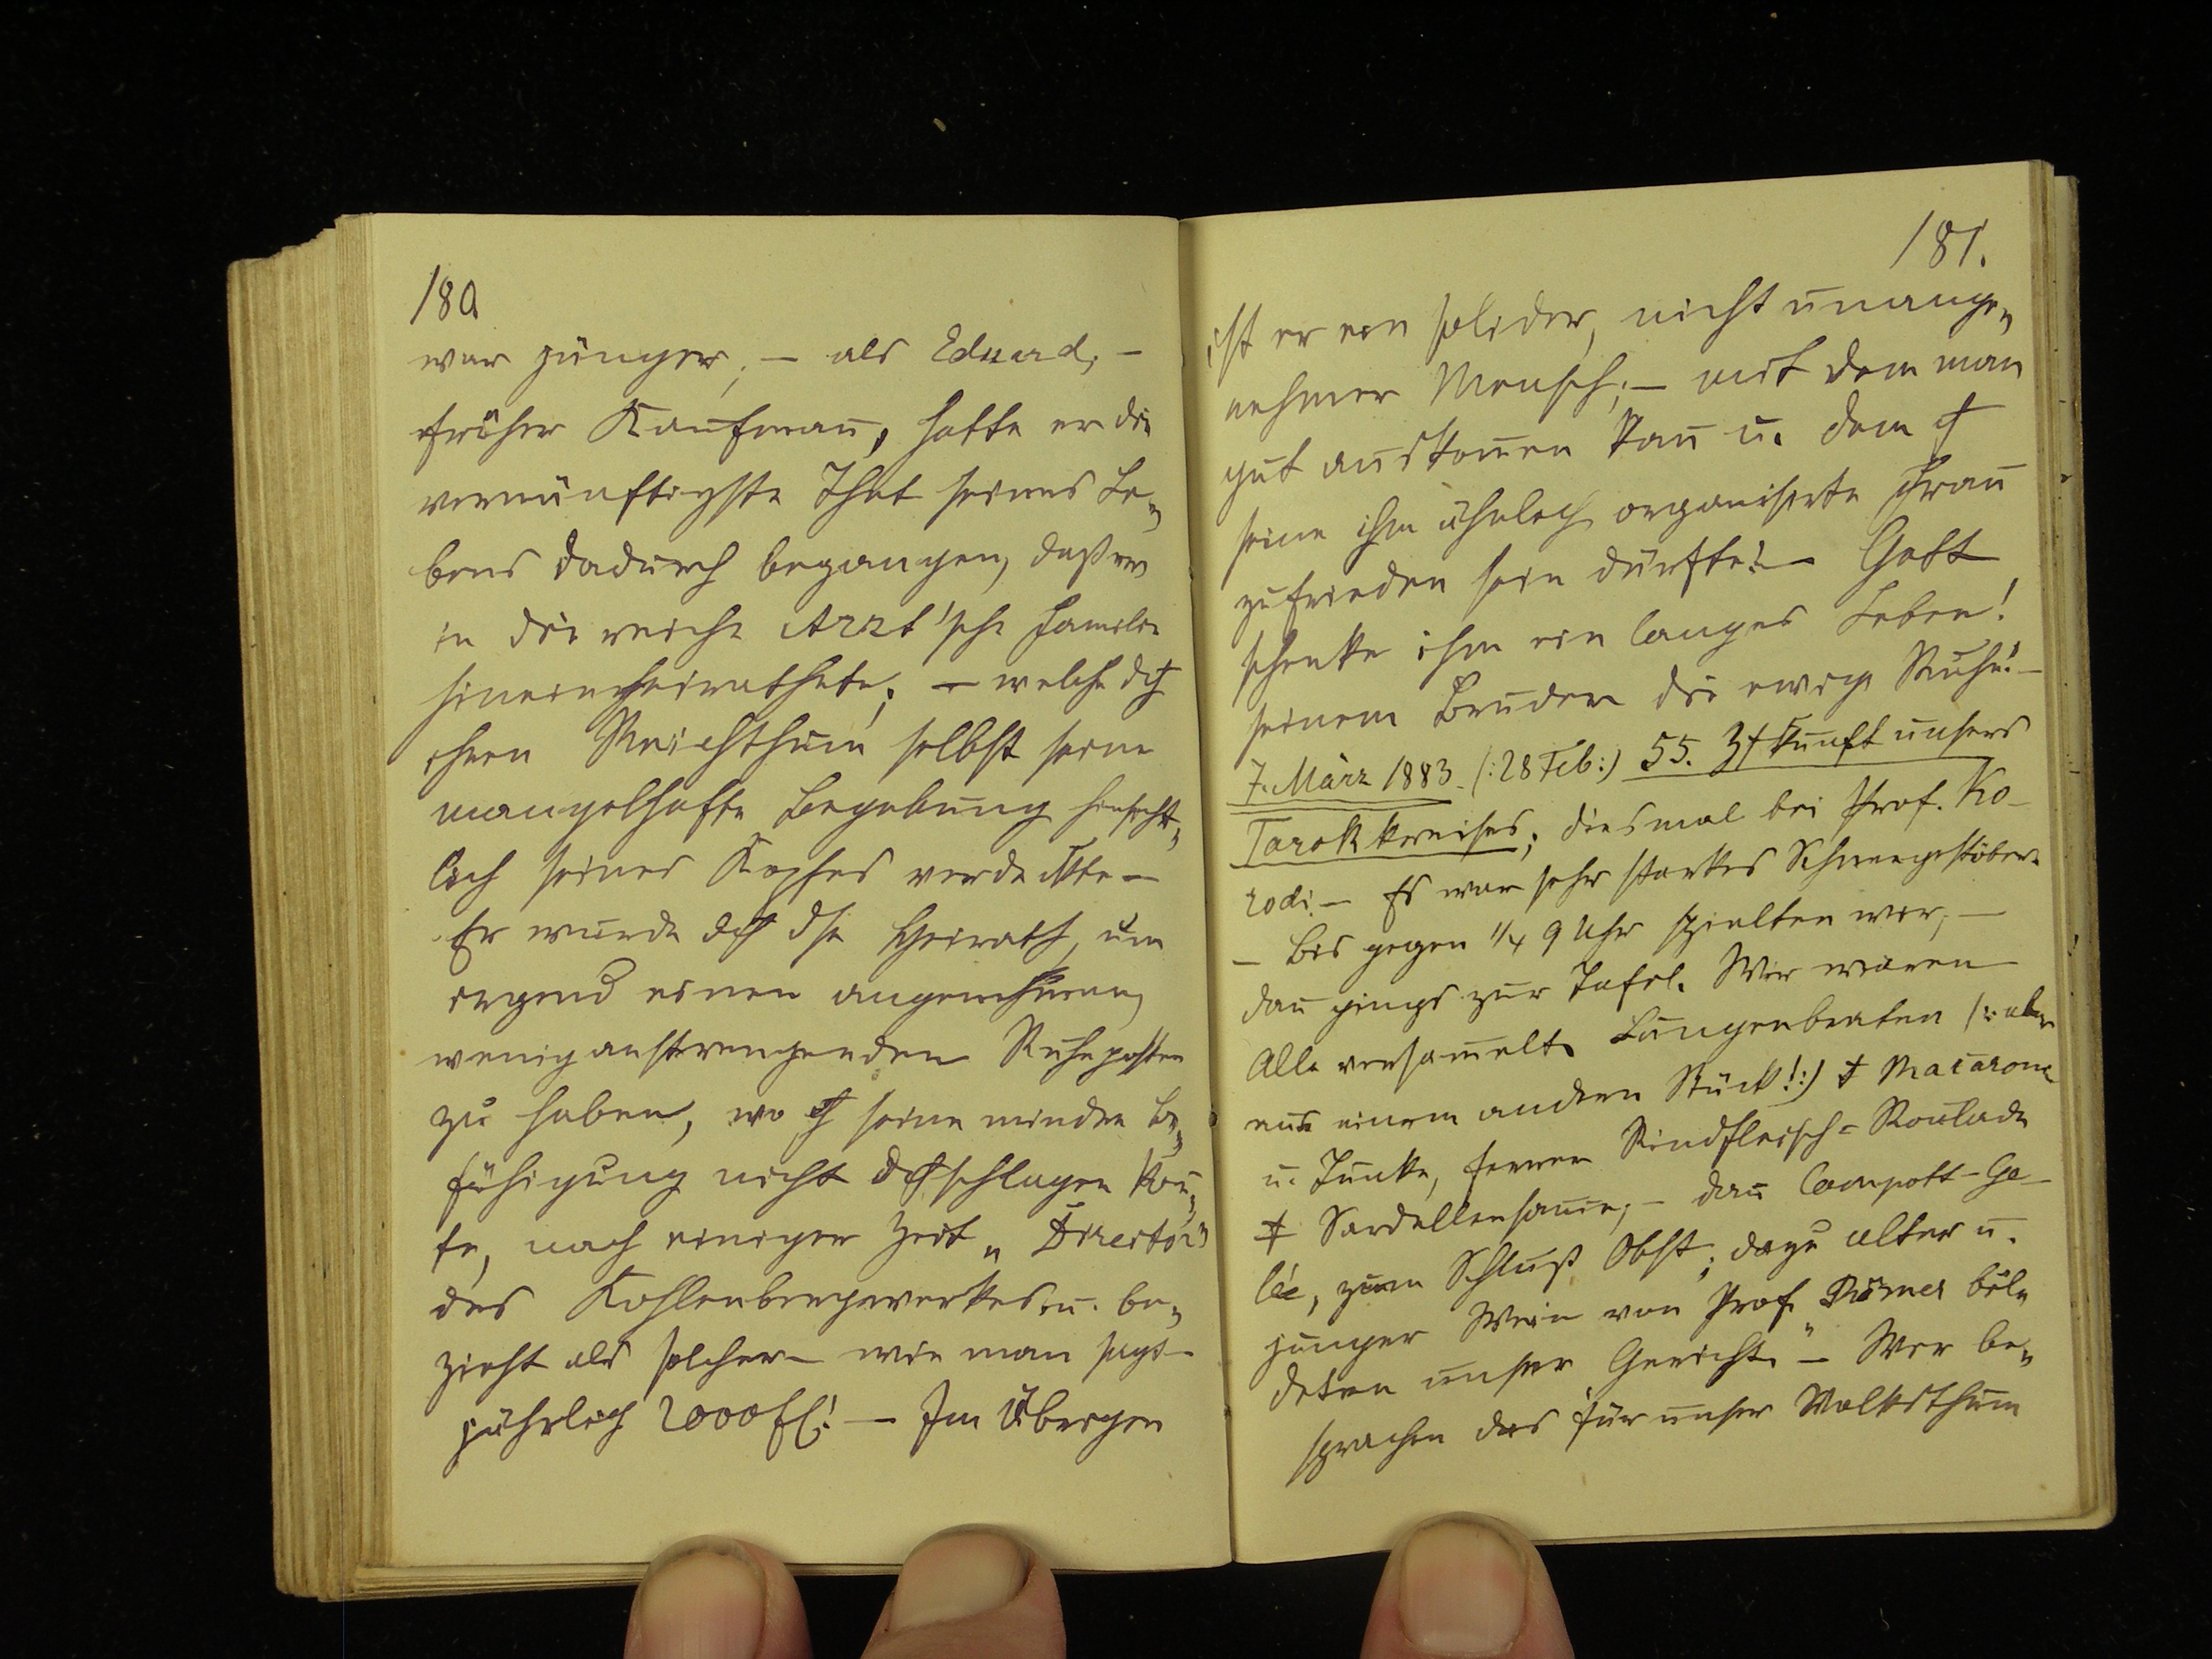180
war jünger;-- als Eduard,-
früher Kaufmann, hatte er die
vernünftigste That seines Le¬
bens dadurch begangen, daß er
in die ??? `sche Familie
hineinheirathete; - welche dch
ihren Reichthum selbst seine
mangelhafte Begabung hinsicht¬
lich seines Kopfes verdeckte -
Er wurde dch dse Heirath, um
irgend einen angenehmen,
wenig anstrengenden Ruheposten
zu haben, wo ch seine mindre Be¬
fähigung nicht dchschlagen konn¬
te, nach einiger Zeit „ ??? “
des Kohlenbergwerkes u. be¬
zieht als solcher - wie man sagt -
jährlich 2000 fl !.- Im Übrigen
181
ist er ein solider, nicht unange¬
nehmer Mensch;-- mit dem man
gut auskommen kann u. dem ch
seine ihm ähnlich organisierte Frau
zufrieden sein dürfte!-- Gott
schenke ihm ein langes Leben!
Seinem Bruder die ewige Ruhe! -
7: ??? 1883. ( :28 ???. : ) 55 Zskunft unsers
???kreises: Diesmal bei Prof. ???
??? .- Es war sehr starkes Schneegestöber. -
Bis gegen ¼ 9 Uhr spielten wir, -
dann gings zur Tafel. Wir waren
Alle versammelt. Lungenbraten (: aber
aus einem anderen Stück!:) t ???
u. Tunke, fener Rindfleisch –Roulade
t Sardellensauce;- dann ???- ???
???, zum Schluß Obst; dazu alter u.
junger Wein von Prof. ??? bil¬
deten unser“ Gericht“,-- Wir be¬
sprachen das für unser Volksthum